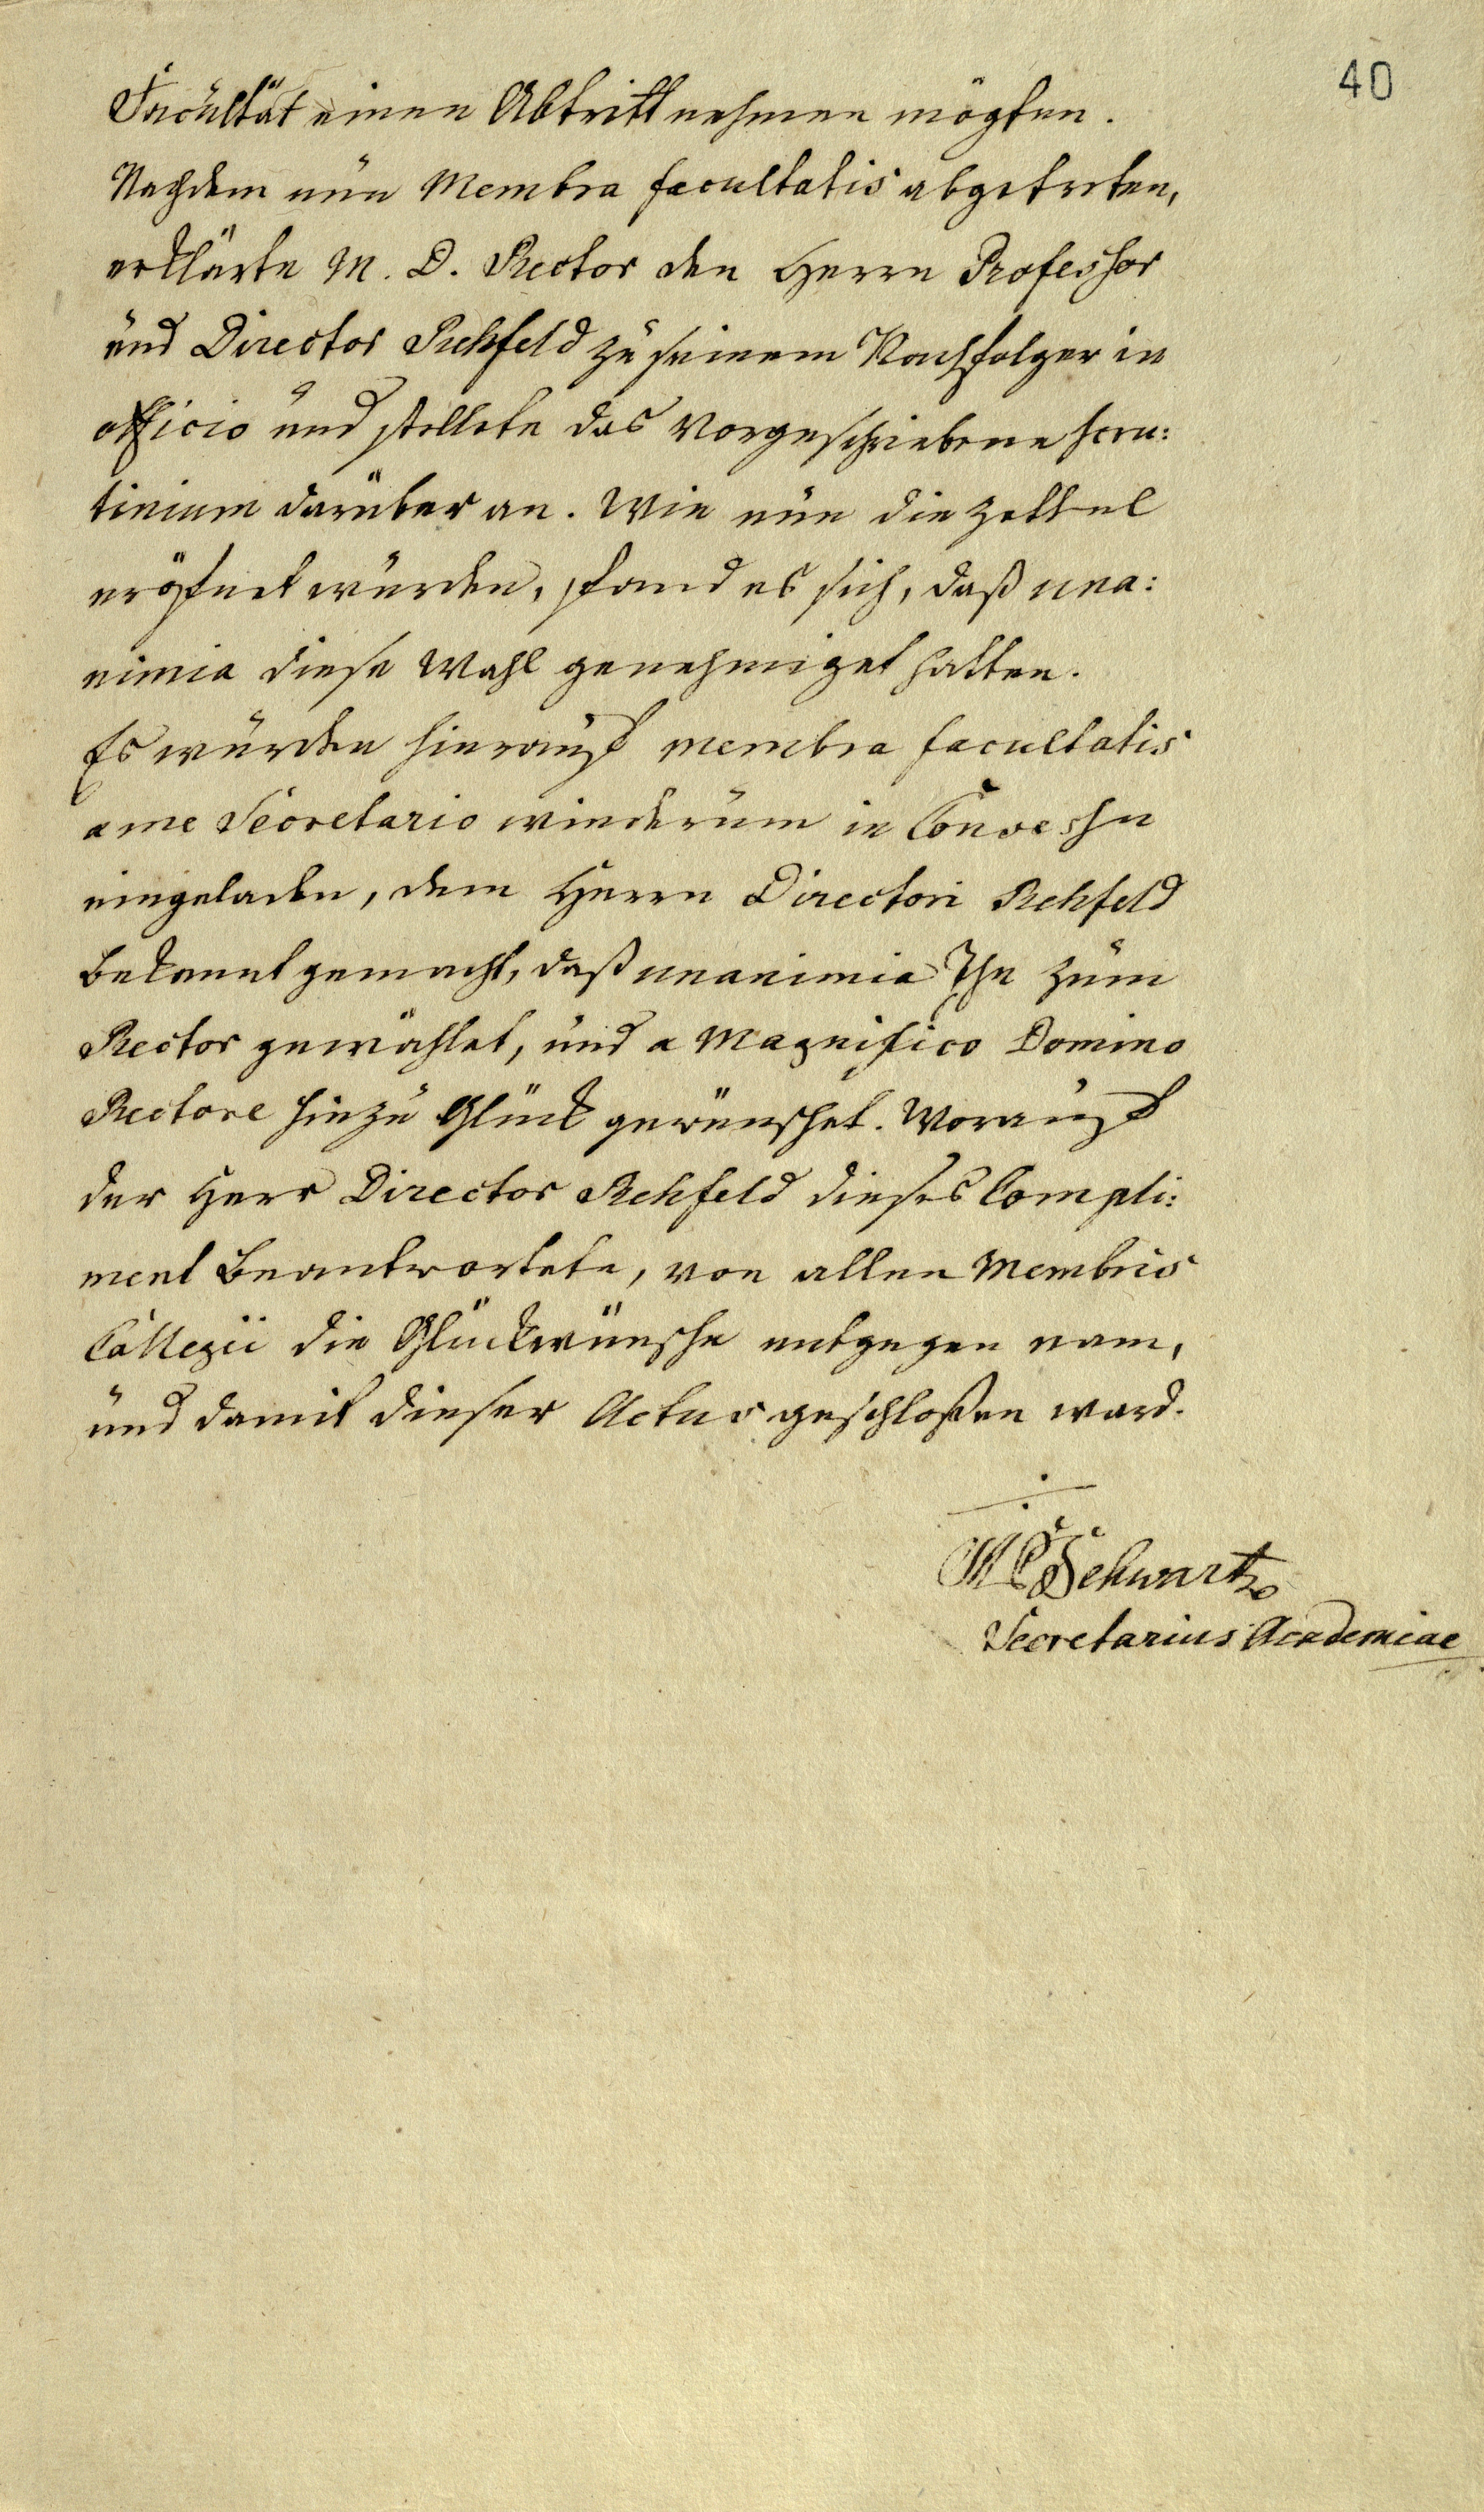Facultät einen Abtritt nehmen mögten.
Nachdem nun Membra facultatis abgetreten,
erklärte M. D. Rector den Herrn Professor
und Director Rehfeld zu seinem Nachfolger in
officio und stellete das vorgeschriebene scru¬
tinium darüber an. Wie nun die Zettel
eröfnet wurden, fand es sich, daß una¬
nimia diese Wahl genehmiget hatten.
Es wurden hierauf membra facultatis
a me Secretario wiederum in Consessu
eingeladen, dem Herrn Directori Rehfeld
bekannt gemacht, daß unanimia Ihn zum
Rector gewählet, und a Magnifico Domino
Rectore hiezu Glück gewünschet. Worauf
der Herr Director Rehfeld dieses Compli¬
ment beantwortete, von allen Membris
Collegii die Glückwünsche entgegen nam,
und damit dieser Actus geschloßen ward.
M C Schwartz
Secretarius Academiae